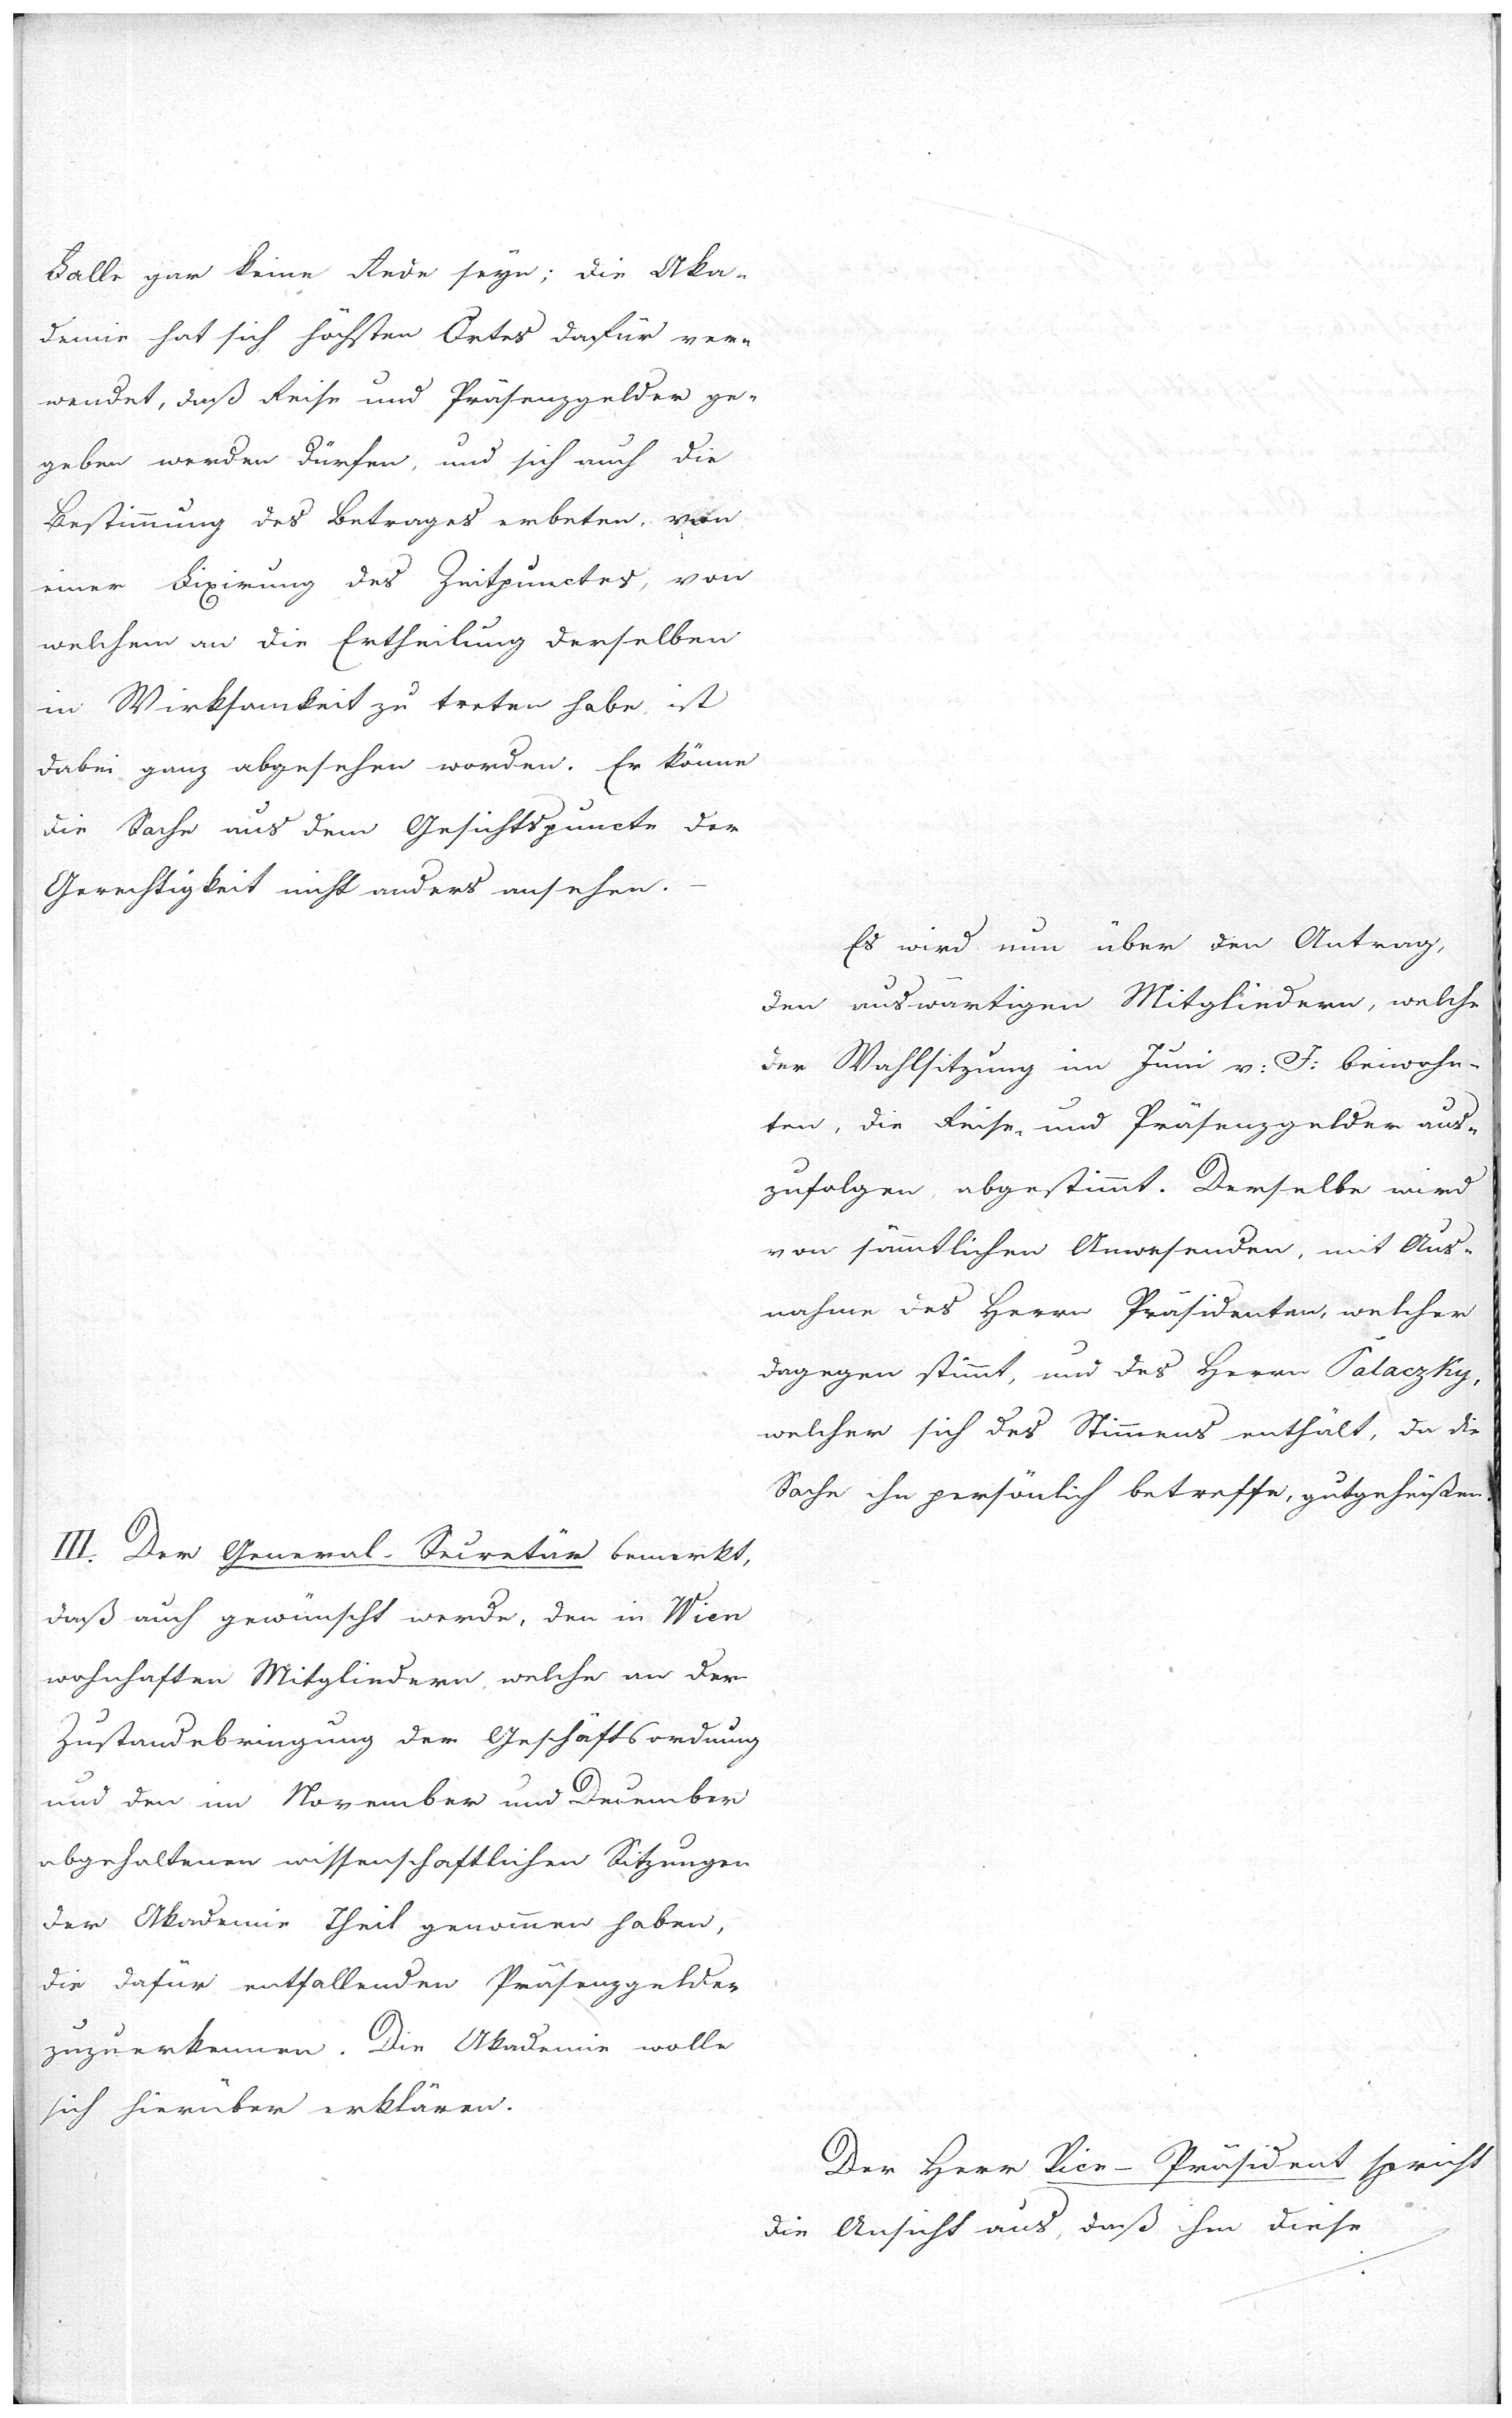Falle gar keine Rede seyn; die Aka-
demie hat sich höchsten Ortes dafür ver-
wendet, daß Reise und Präsenzgelder ge-
geben werden dürfen, und sich auch die
Bestimmgung des Betrages erbeten, von
einer Fixirung des Zeitpunctes, von
welchem an die Ertheilung derselben
in Wirksamkeit zu treten habe, ist
dabei ganz abgesehen worden. Er könne
die Sache aus dem Gesichtspuncte der
Gerechtigkeit nicht anders ansehen.
Es wird nur über den Antrag,
den auswärtigen Mitgliedern, welche
der Wahlsitzung im Juni v: J: beiwohn-
ten, die Reise- und Präsenzgelder aus-
zufolgen, abgestimmt. Derselbe wird
von sämtlichen Anwesenden, mit Aus-
nahme des Herrn Präsidenten, welcher
dagegen stimmt, und des Herrn Palazky,
welcher sich des Stimmens enthält, da die
Sache ihn persönlich betreffe, gutgeheißen.
III. Der General-Secretär bemerkt,
daß auch gewünscht werde, den in Wien
wohnhaften Mitgliedern, welche an der
Zustandebringung der Geschäftsordnung
und der im November und December
abgehaltenen wissenschaftlichen Sitzungen
der Akademie Theil genommen haben,
die dafür entfallenden Präsenzgelder
zuzuerkennen. Die Akademie wolle
sich hierüber erklären.
Der Herr Vice-Präsident spricht
die Ansicht aus, daß ihm diese